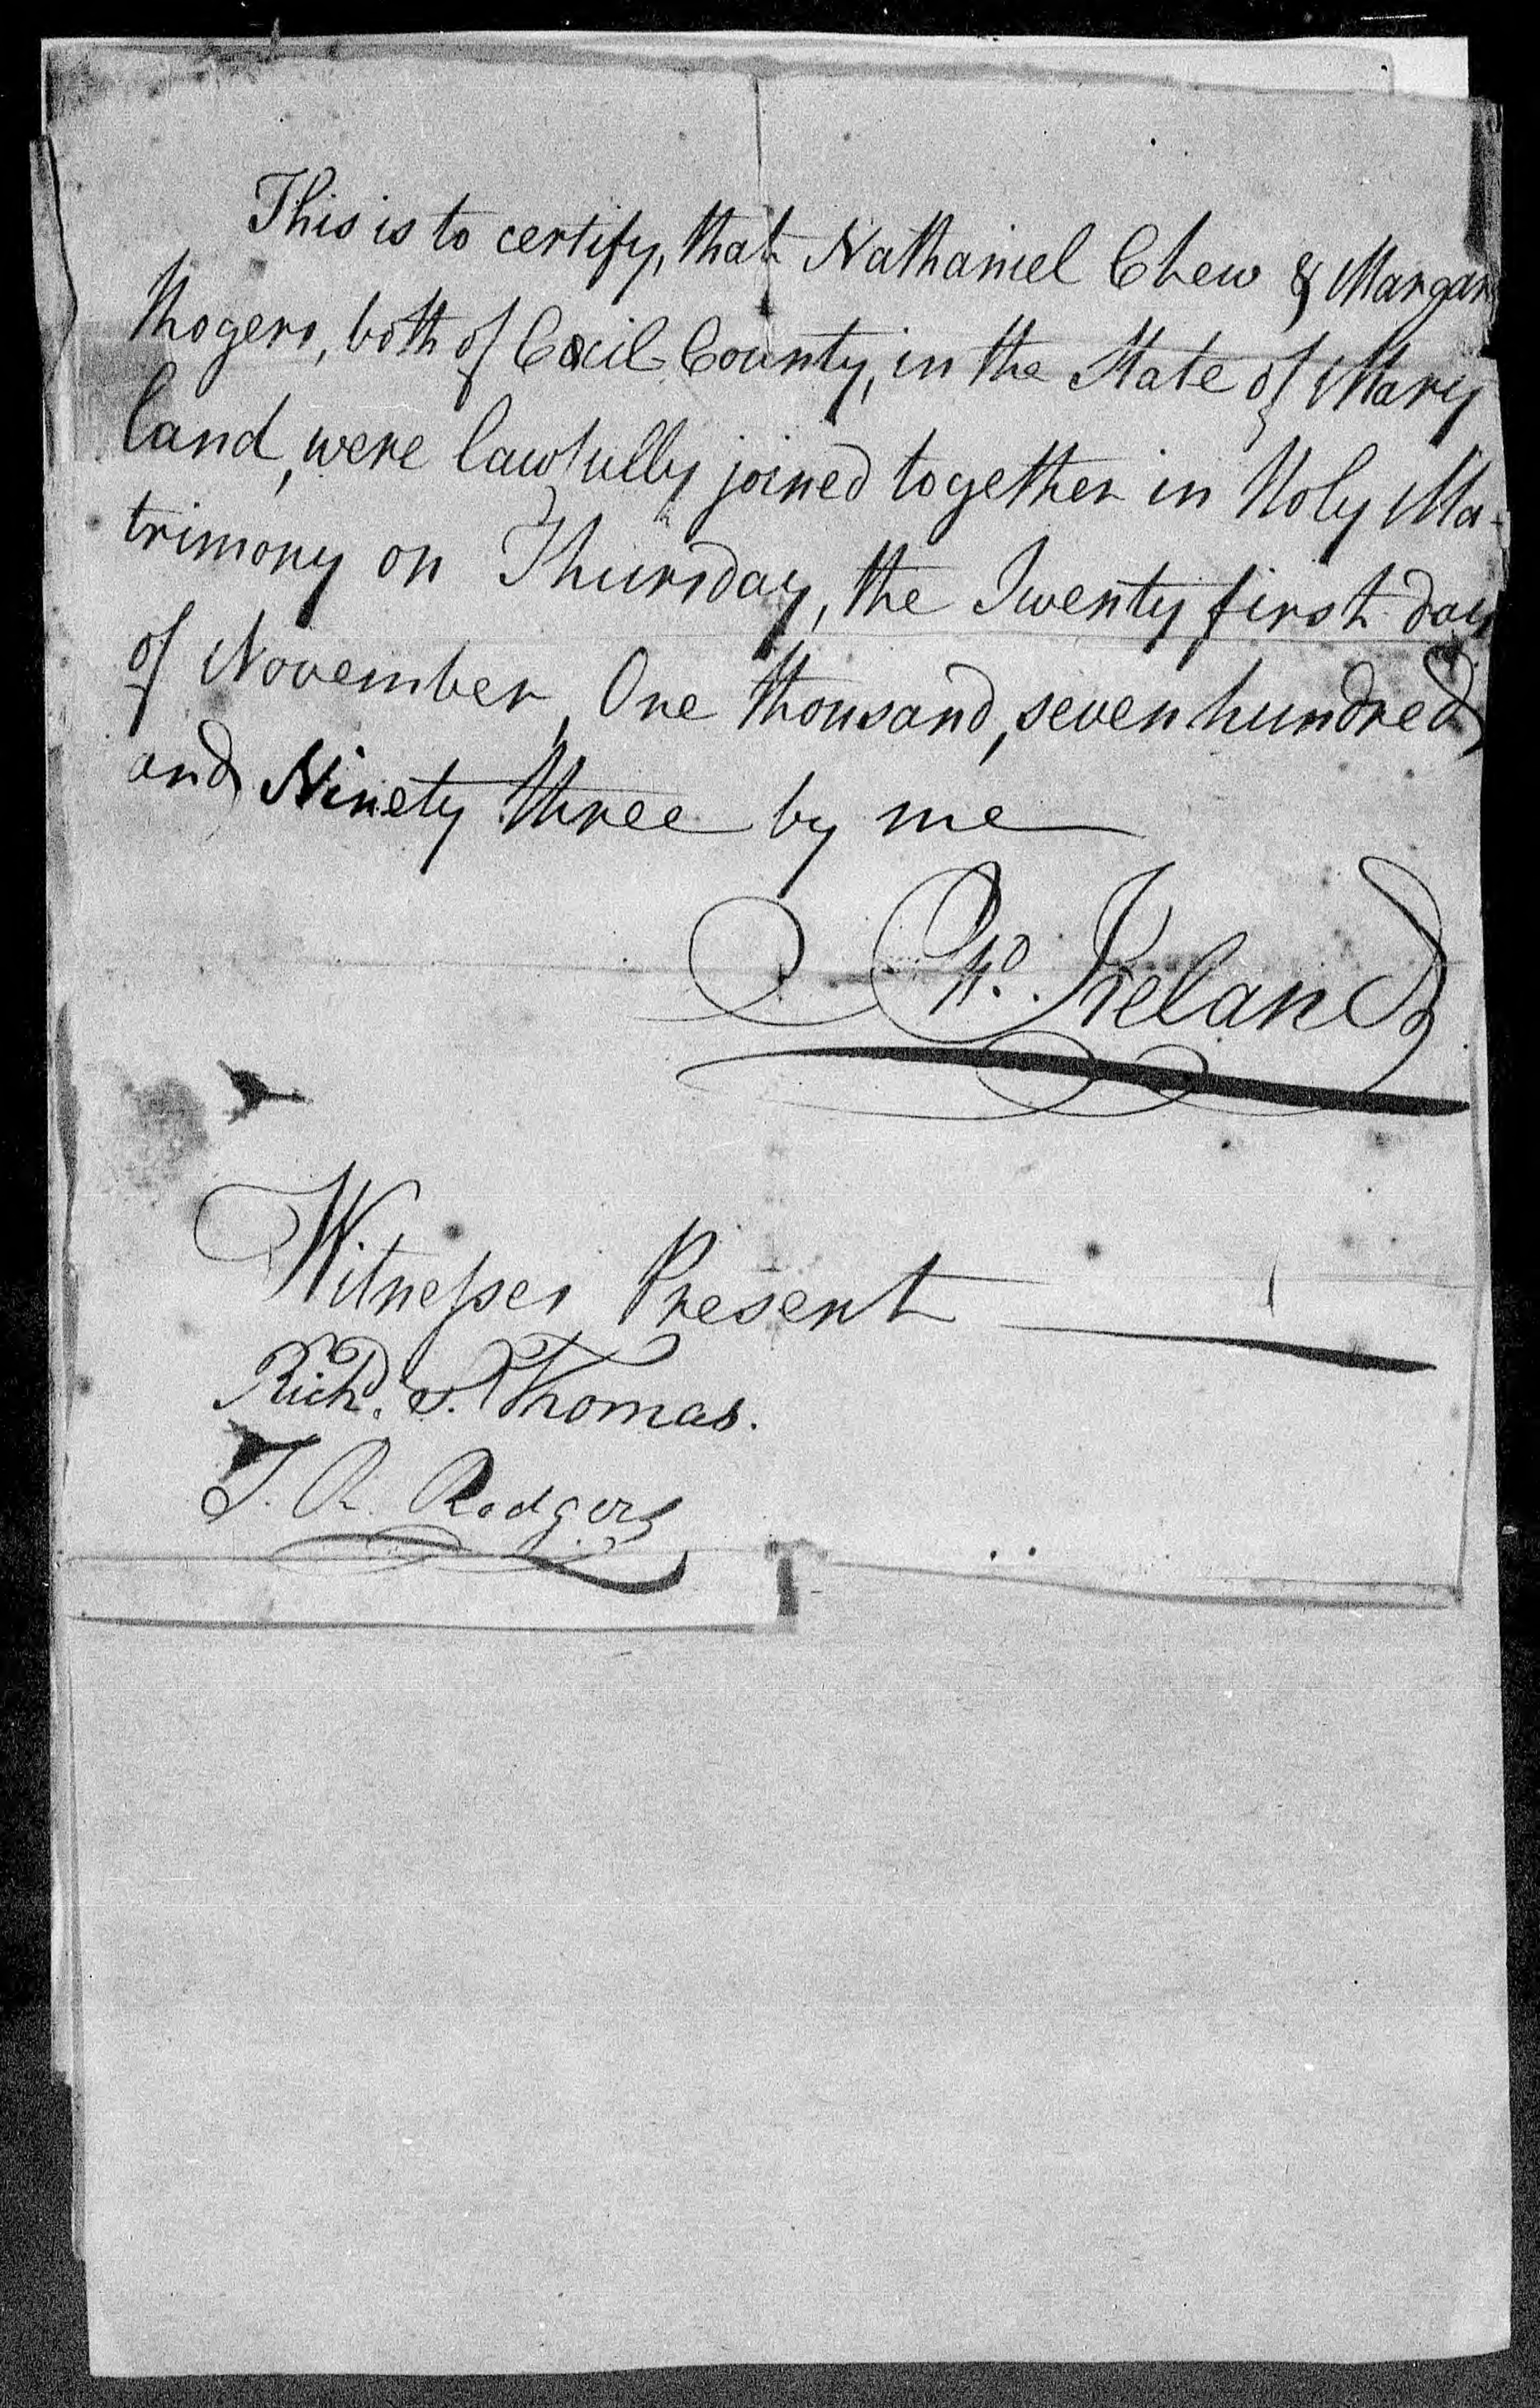This is to certify, that Nathaniel Chew & Margaret
Rogers, both of Cecil County, in the State of Mary
land, were lawfully joined together in Holy Ma-
trimony on Thursday, the Twenty first day
of November, One thousand, seven hundred
and Ninety three by me
Jno. Ireland

Witnesses Present
Rich. S. Thomas.
T. R. Rodgers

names: Richd S Thomas, Nathaniel Chew, Margaret Rogers, Jno Ireland, T R Rodgers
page: 9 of 59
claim: widow's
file: W. 9383, Nathaniel Chew, Navy (Md.)